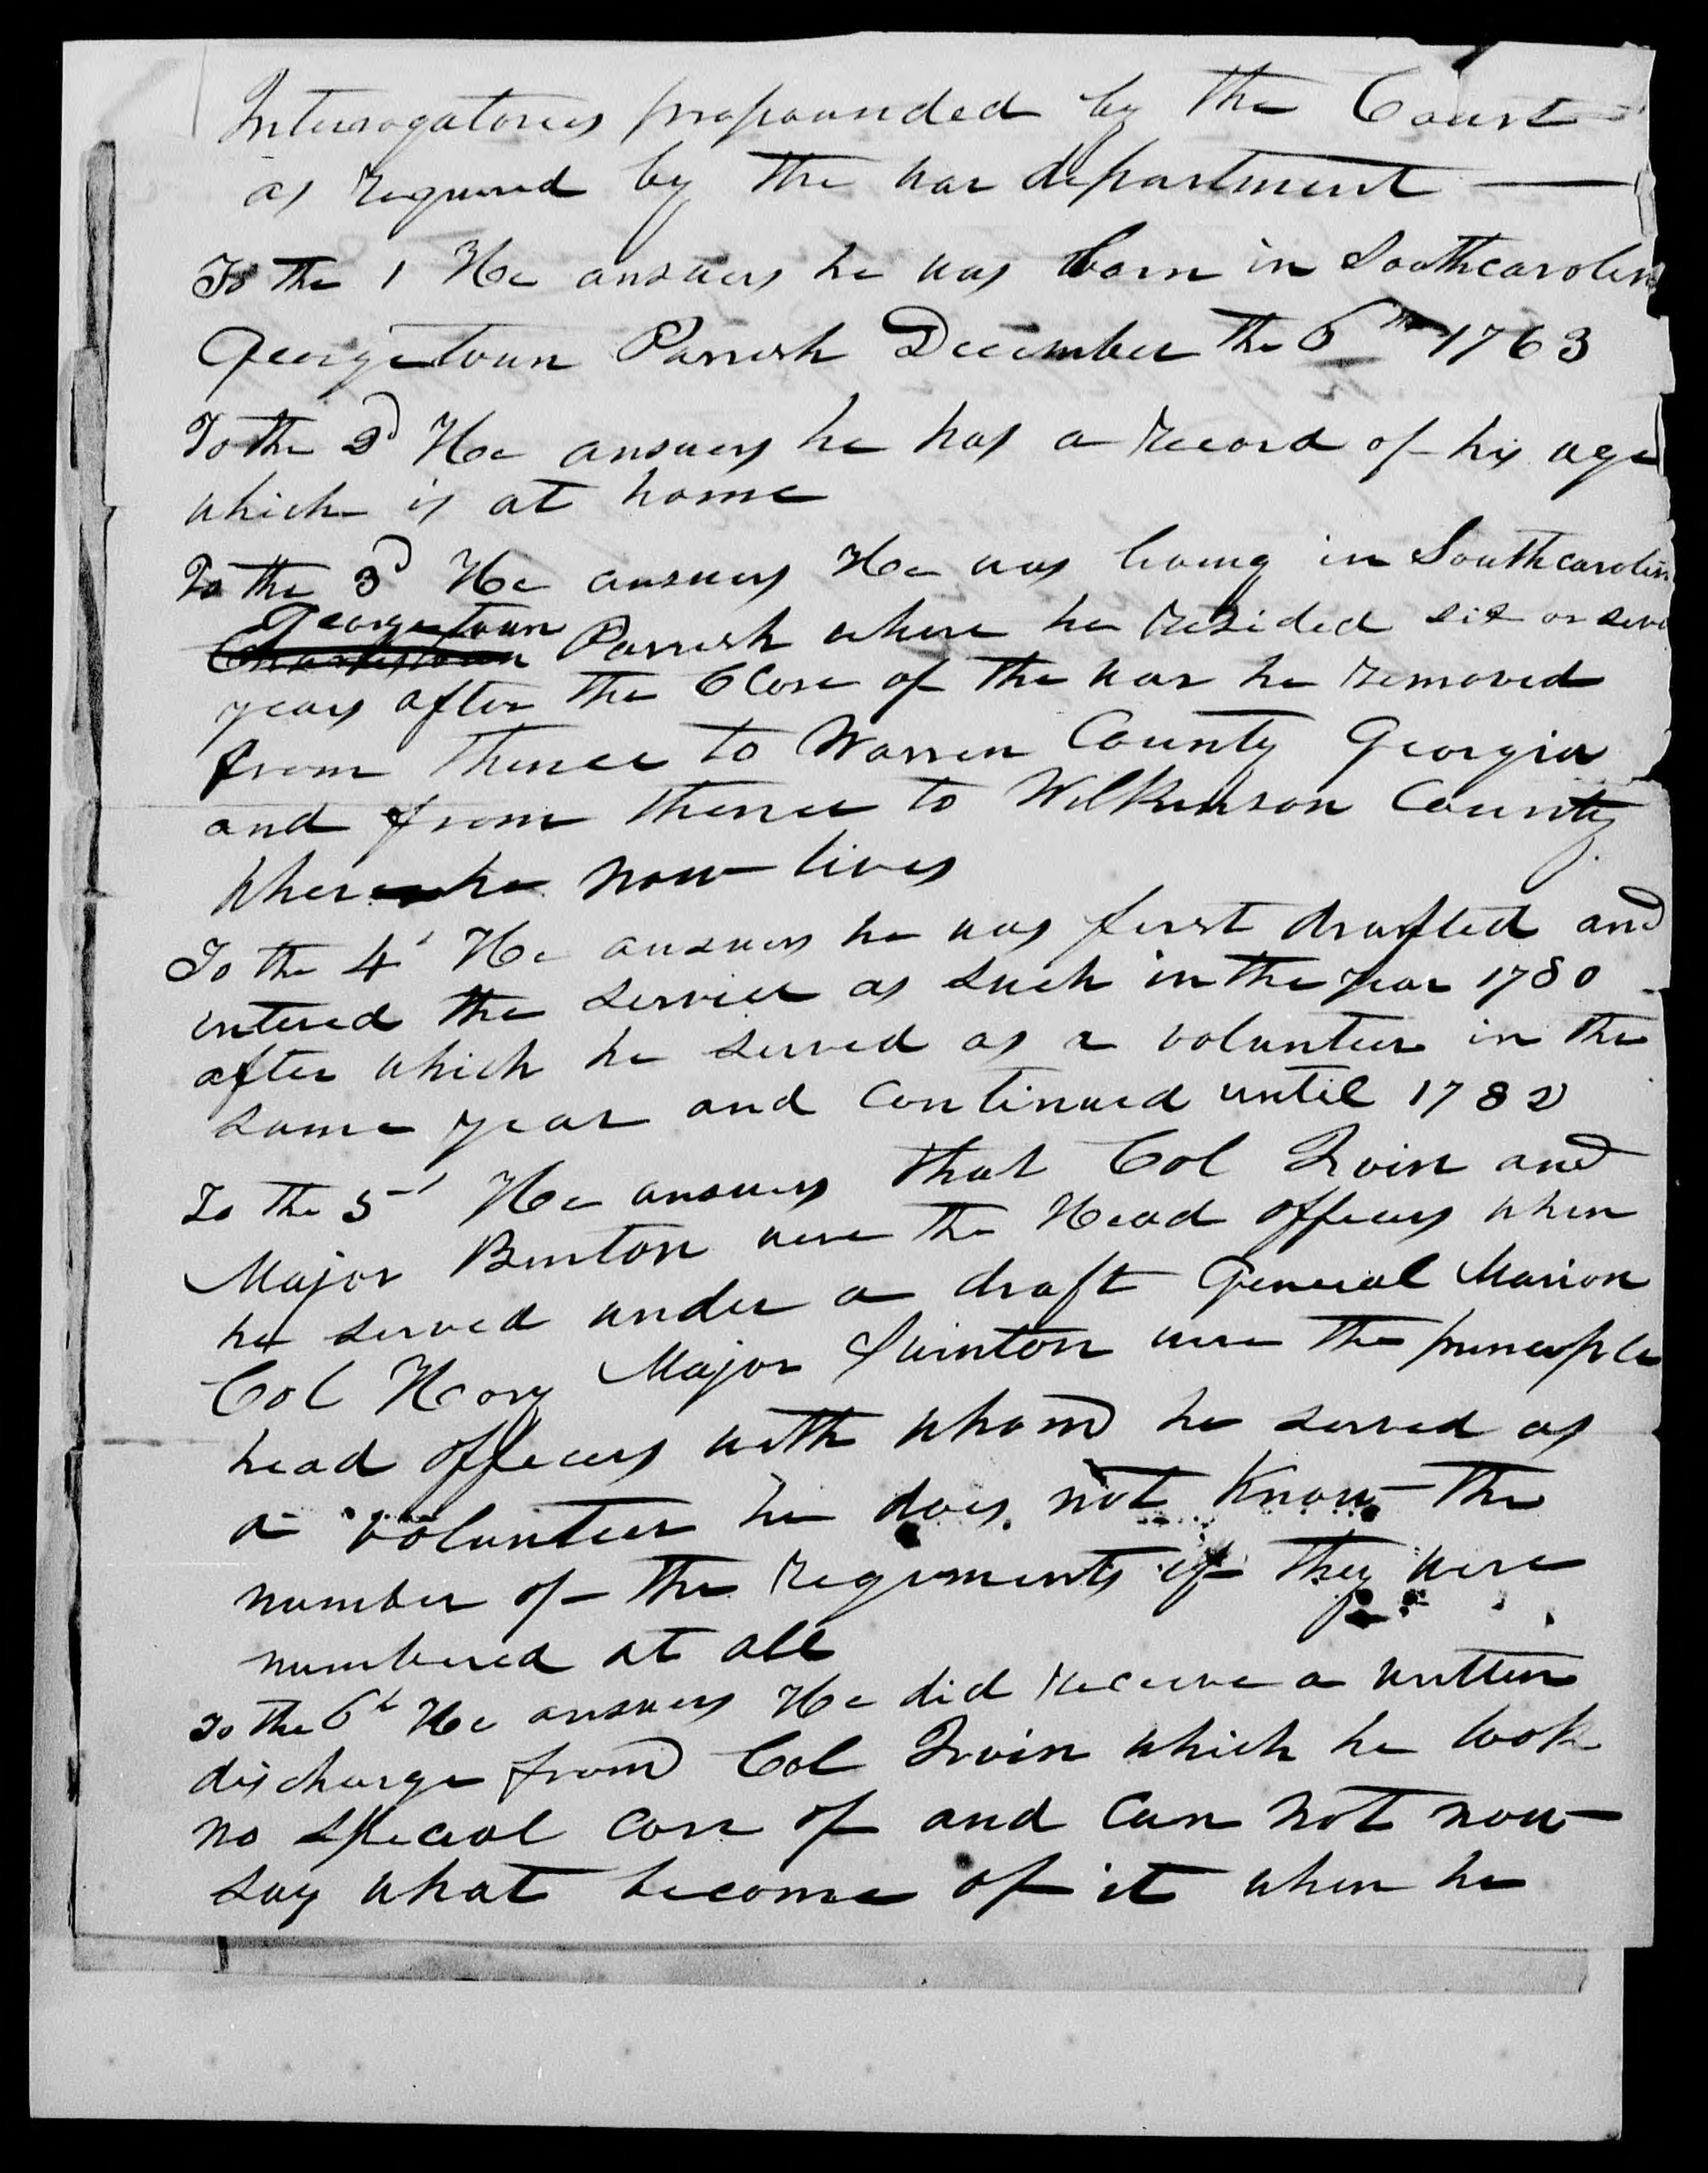Interrogatories propounded by the Court as required by the war department-
To the 1 He answers he was born in South Carolina Georgetown Parish December the 6th 1763
To the 2d He answers he has a record of his age which if at home
To the 3d He answers He was living in South Carolina Georgetown Parrish where he resided six or seven years after the close of the war he removed from thence to Warren County Georgia and from thence to Wilkinson County where he now lives
To the 4' He answers he was first drafted and entered the service as such in the year 1780 after which he served as a volunteer in the same year and continued until 1782
To the 5' He answers that Col Irwin and Major Benton were the Head officers when he served under a draft General Marion Col Hory Major Swinton were the principle head officers with whom he served as a volunteer he does not know the number of the regiments if they were numbered at all
To the 6th He answers he did receive a written discharge from Col Irwin which he took no special care of and can not now say what become of it when he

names: Hory, Benton, Swinton, Iwin, Iwin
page: 19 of 23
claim: rejected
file: R. 1465, Peter Buckholts, S.C.